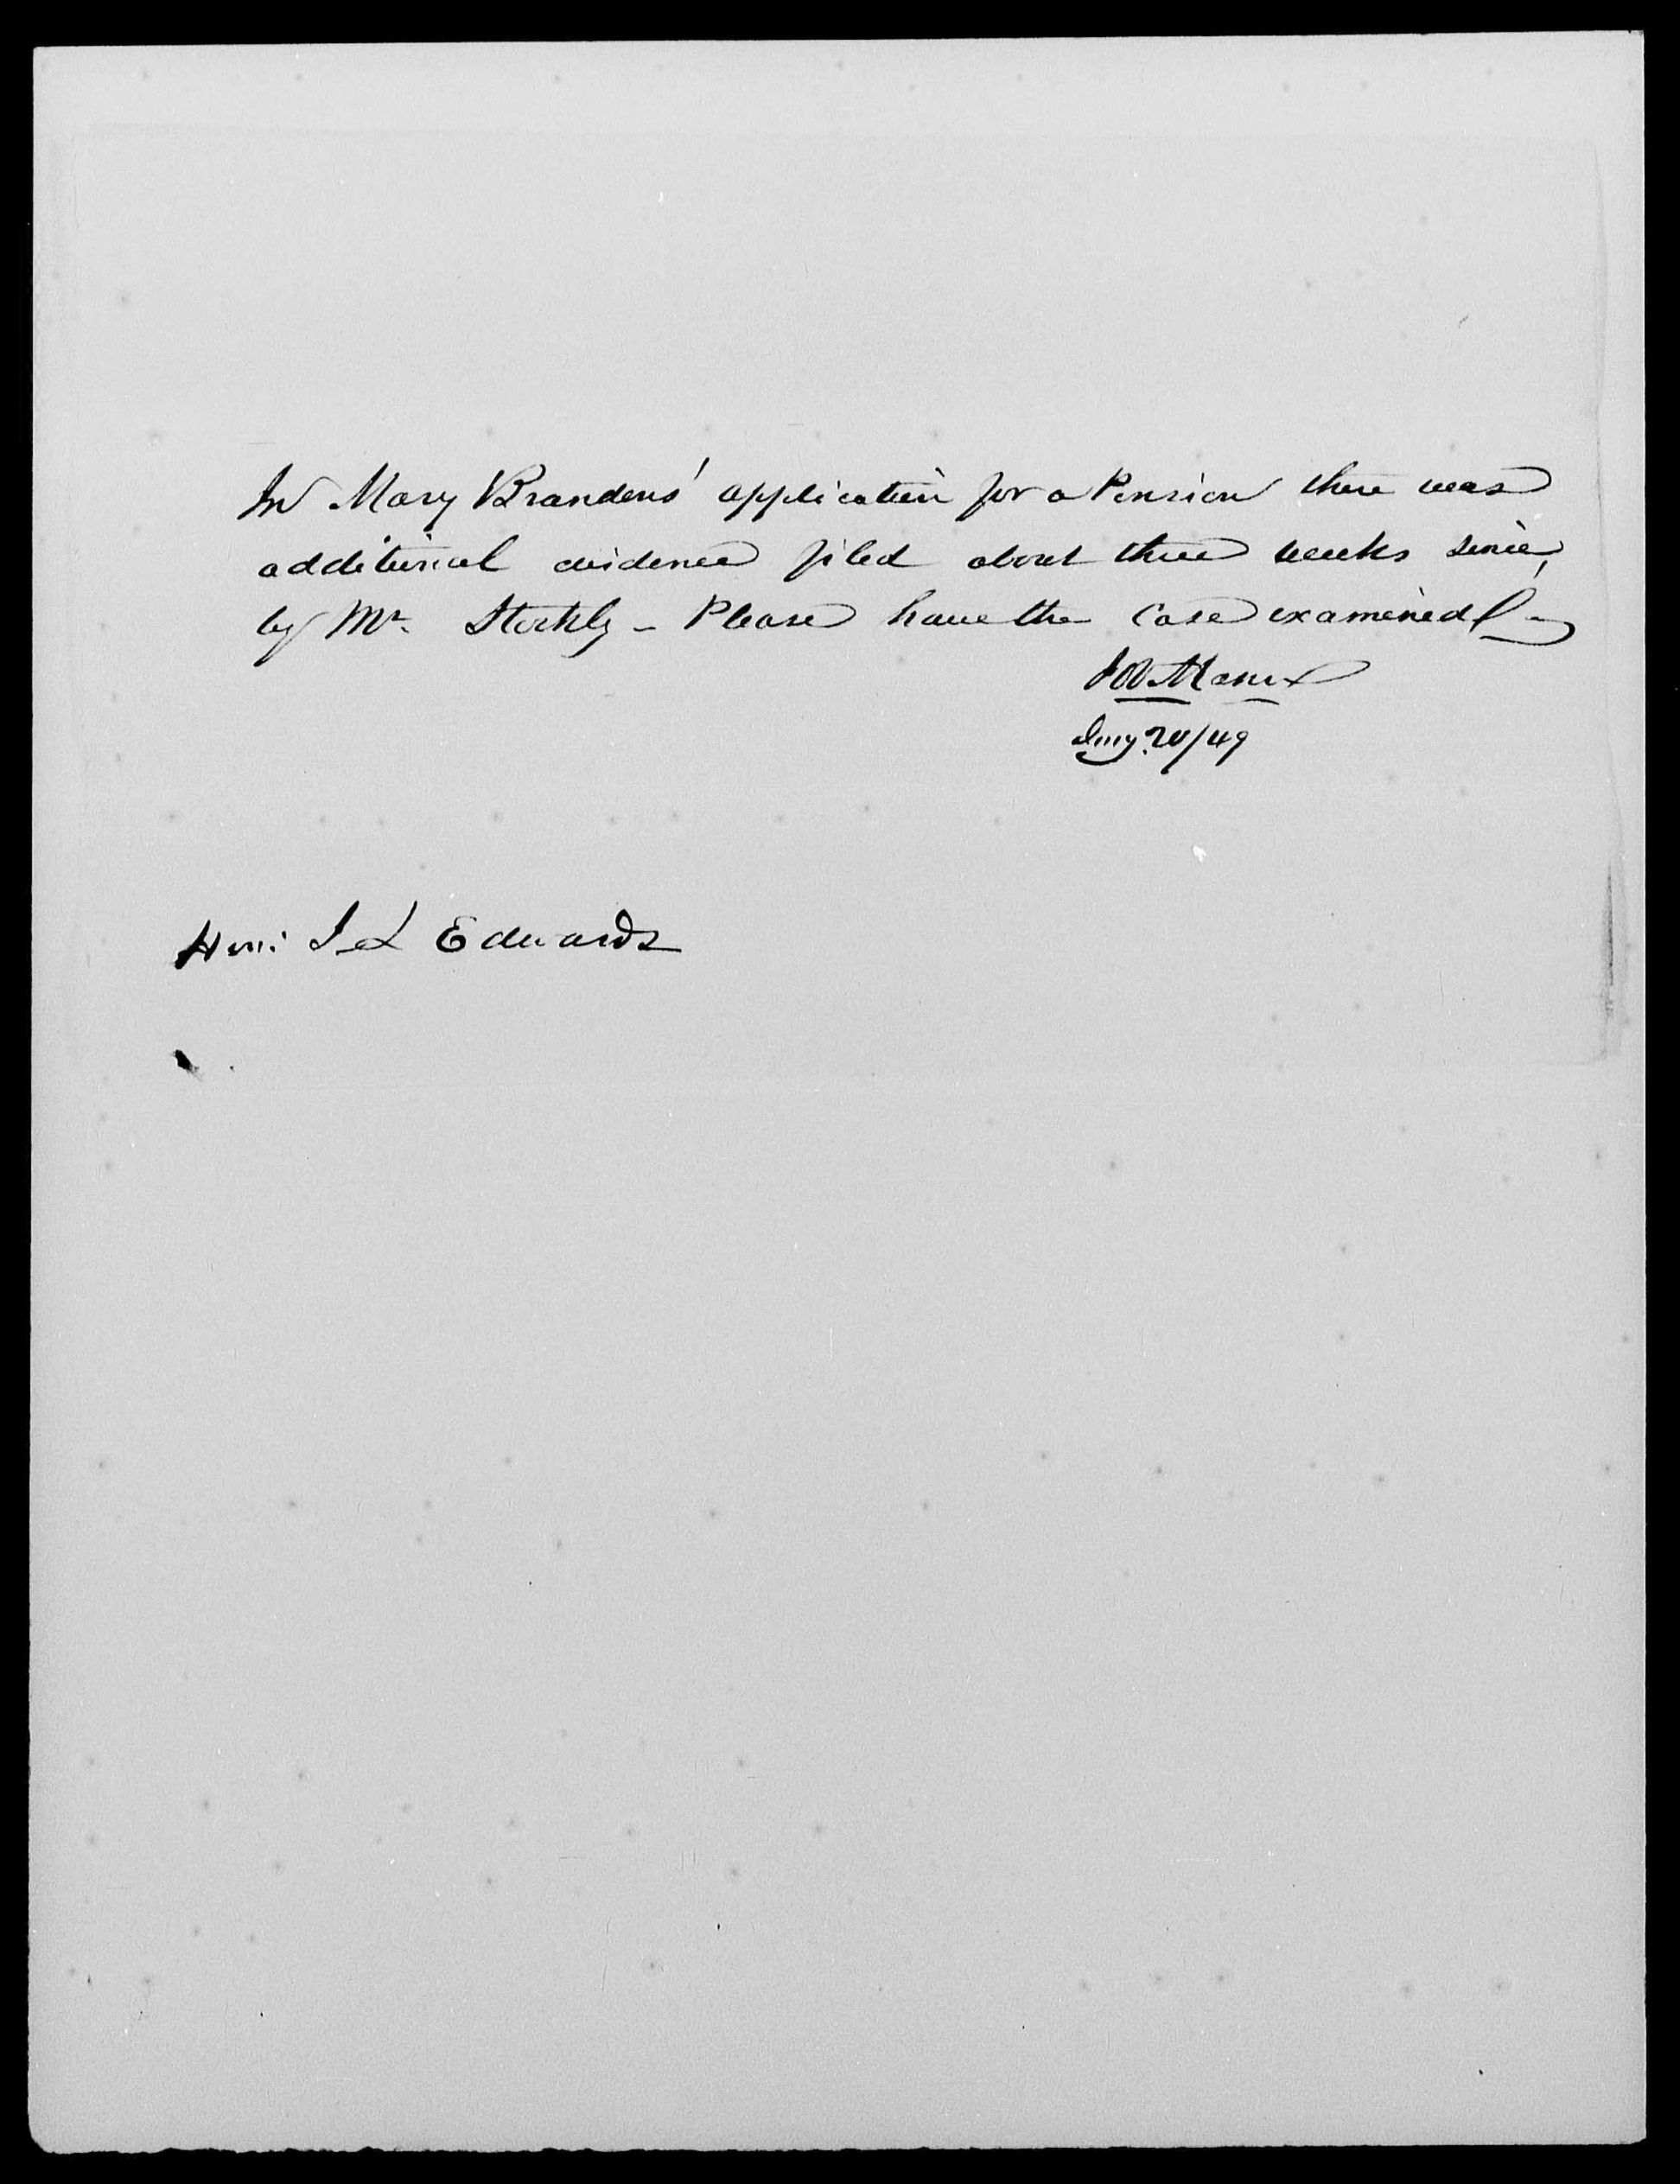In Mary Brandons' application for a pension there was additional evidence filed about three weeks since by Mr. Stockly - Please have the case examined
Job Mann
Jany 20//49

Hon JL Edwards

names: Mary Brandon, Job Mann, Stockly, J L Edwards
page: 27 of 83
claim: widow's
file: W. 5946, John Brandon, Penn